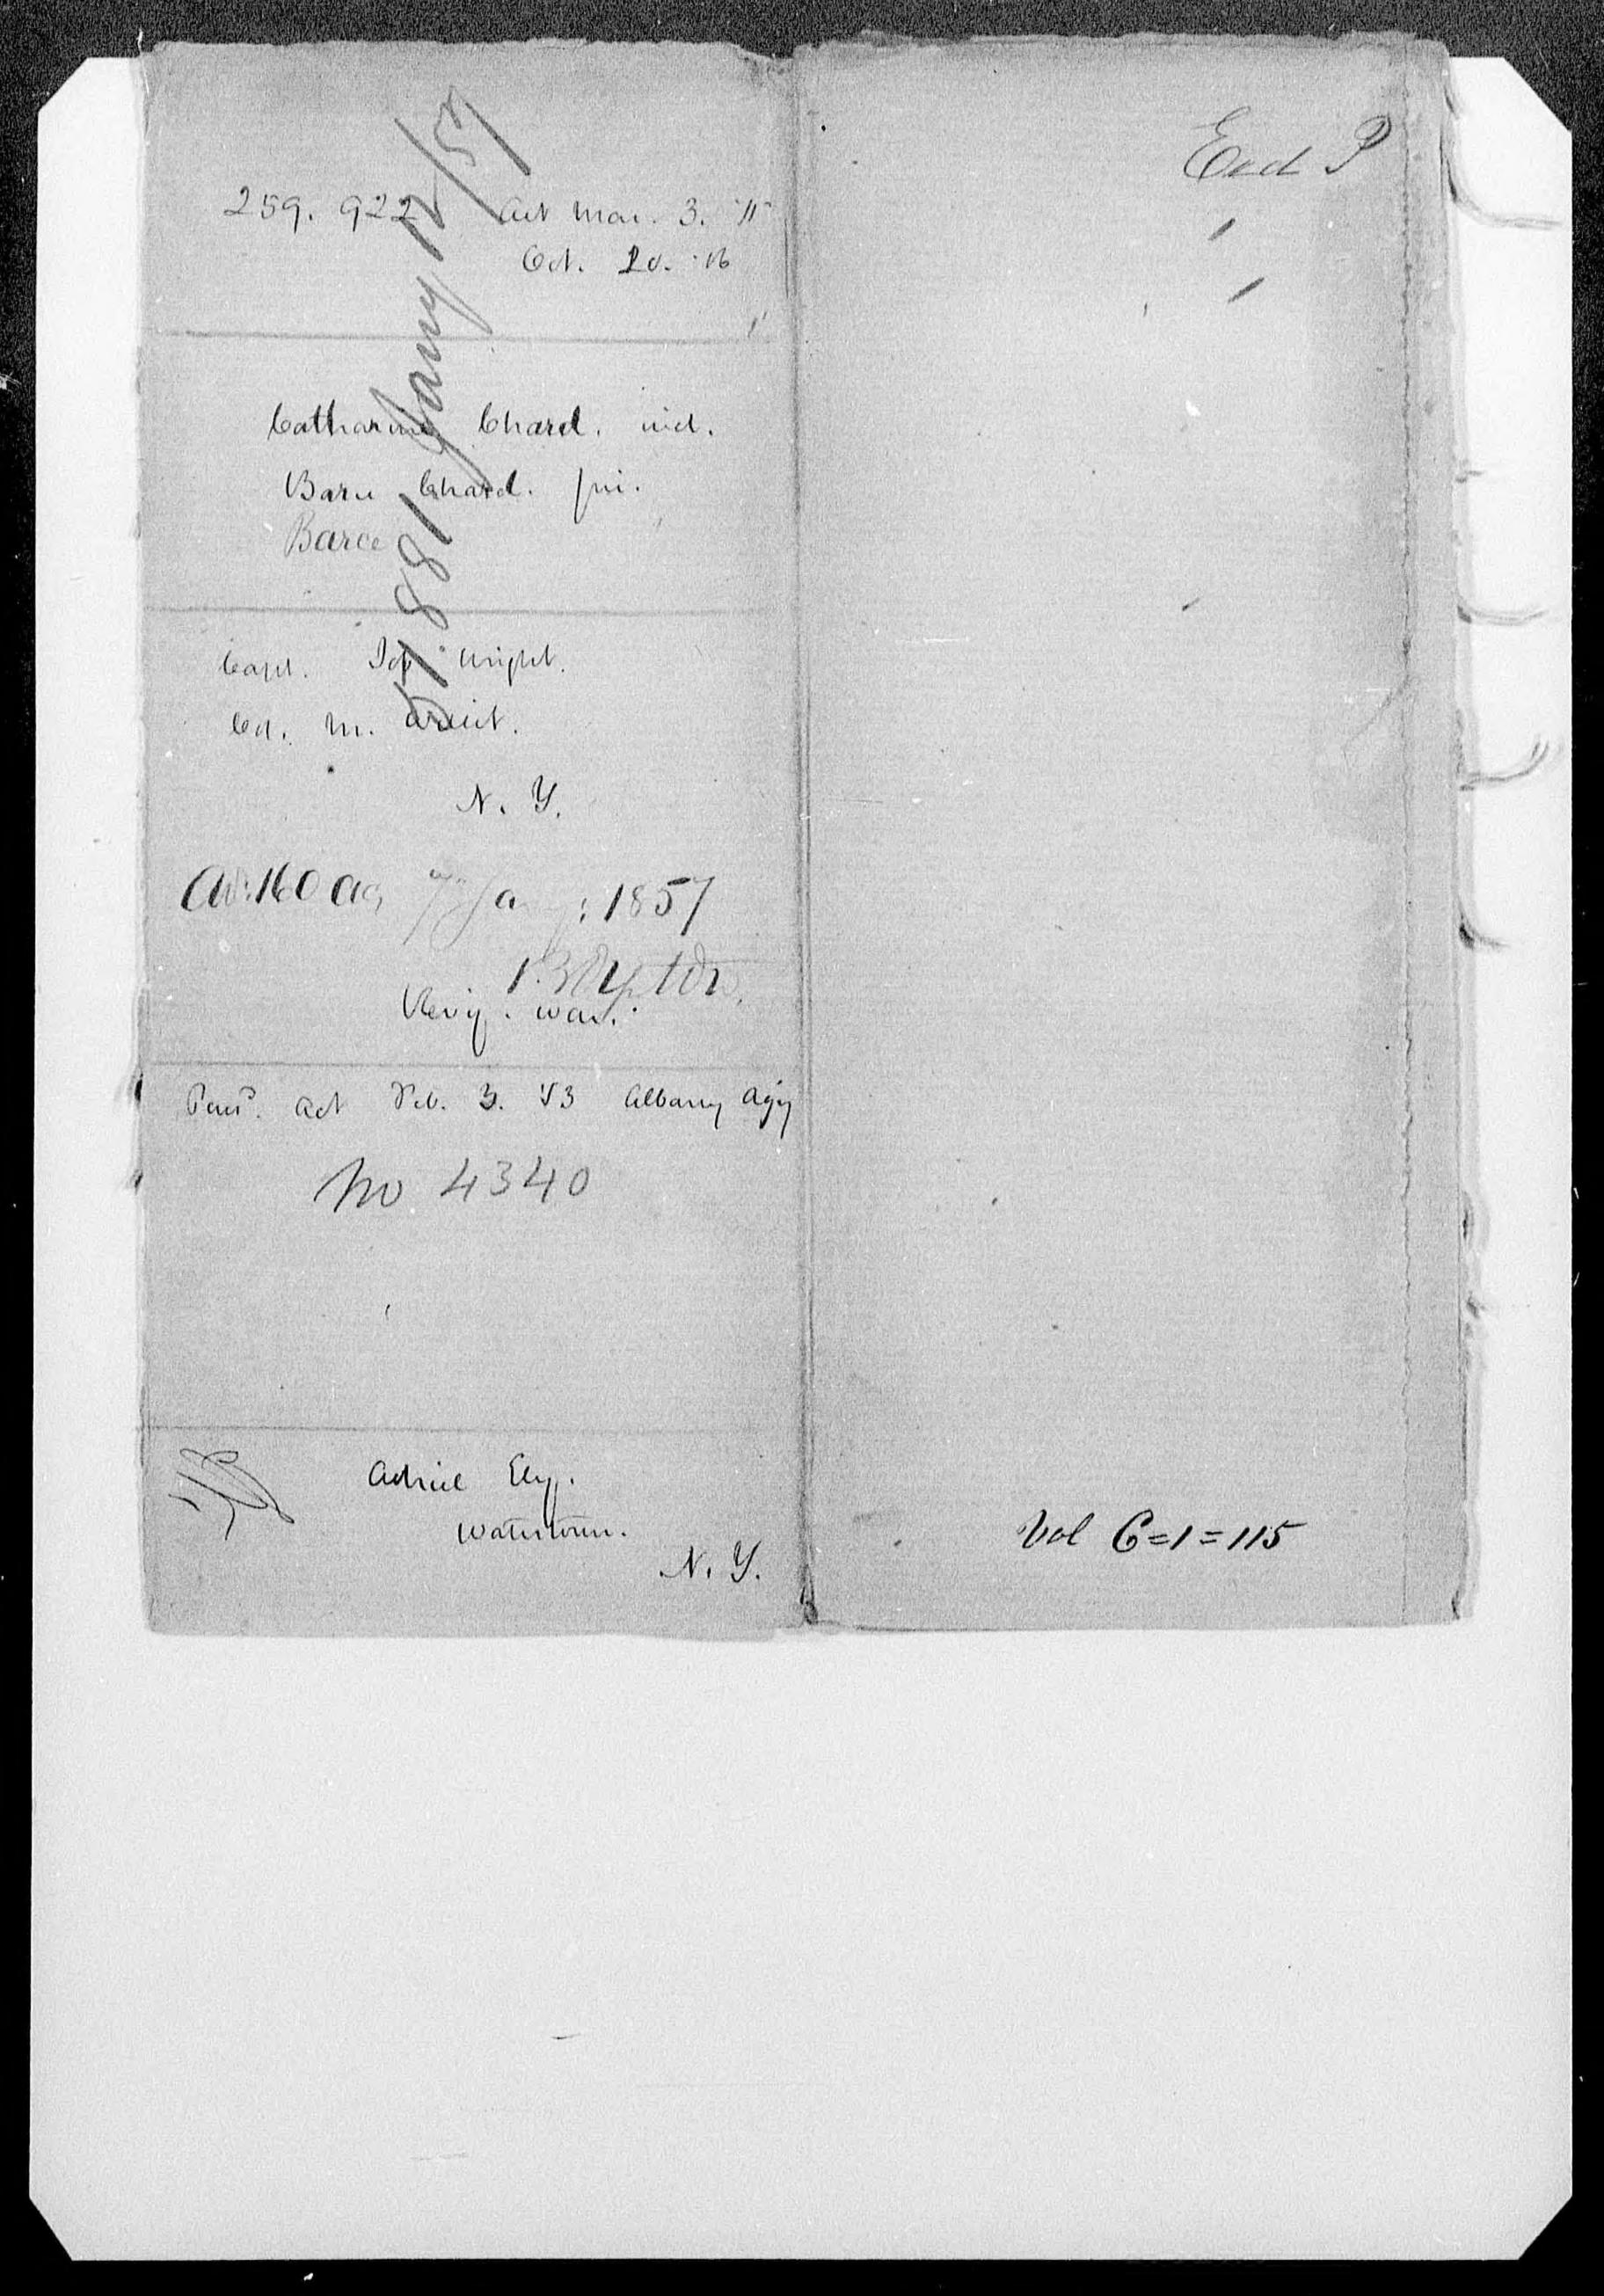Left side:
259. 922   Act Mar 3. '11
Oct 20 [10?] '16 

Catharine Chard, wid.
Baru Chard. pri.
Barce

[illegible]
[illegible]
N.Y.

Ar: 160 ac  7 Jany: 1857
Boyton
Revy. war.

Passd act Feb. 3. '53 Albany Agy
No 4340

Adriel Ely
Watertown, N.Y.

Crosswise: 51.881 Jany 12 /57

Right side:
End [?] P
Vol. C=1=115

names: Barce Chard, Job Wright, M Willet, Adriel Ely, Catharine Chard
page: 4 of 47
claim: widow's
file: W. 10,602, Barce Chard, New York.